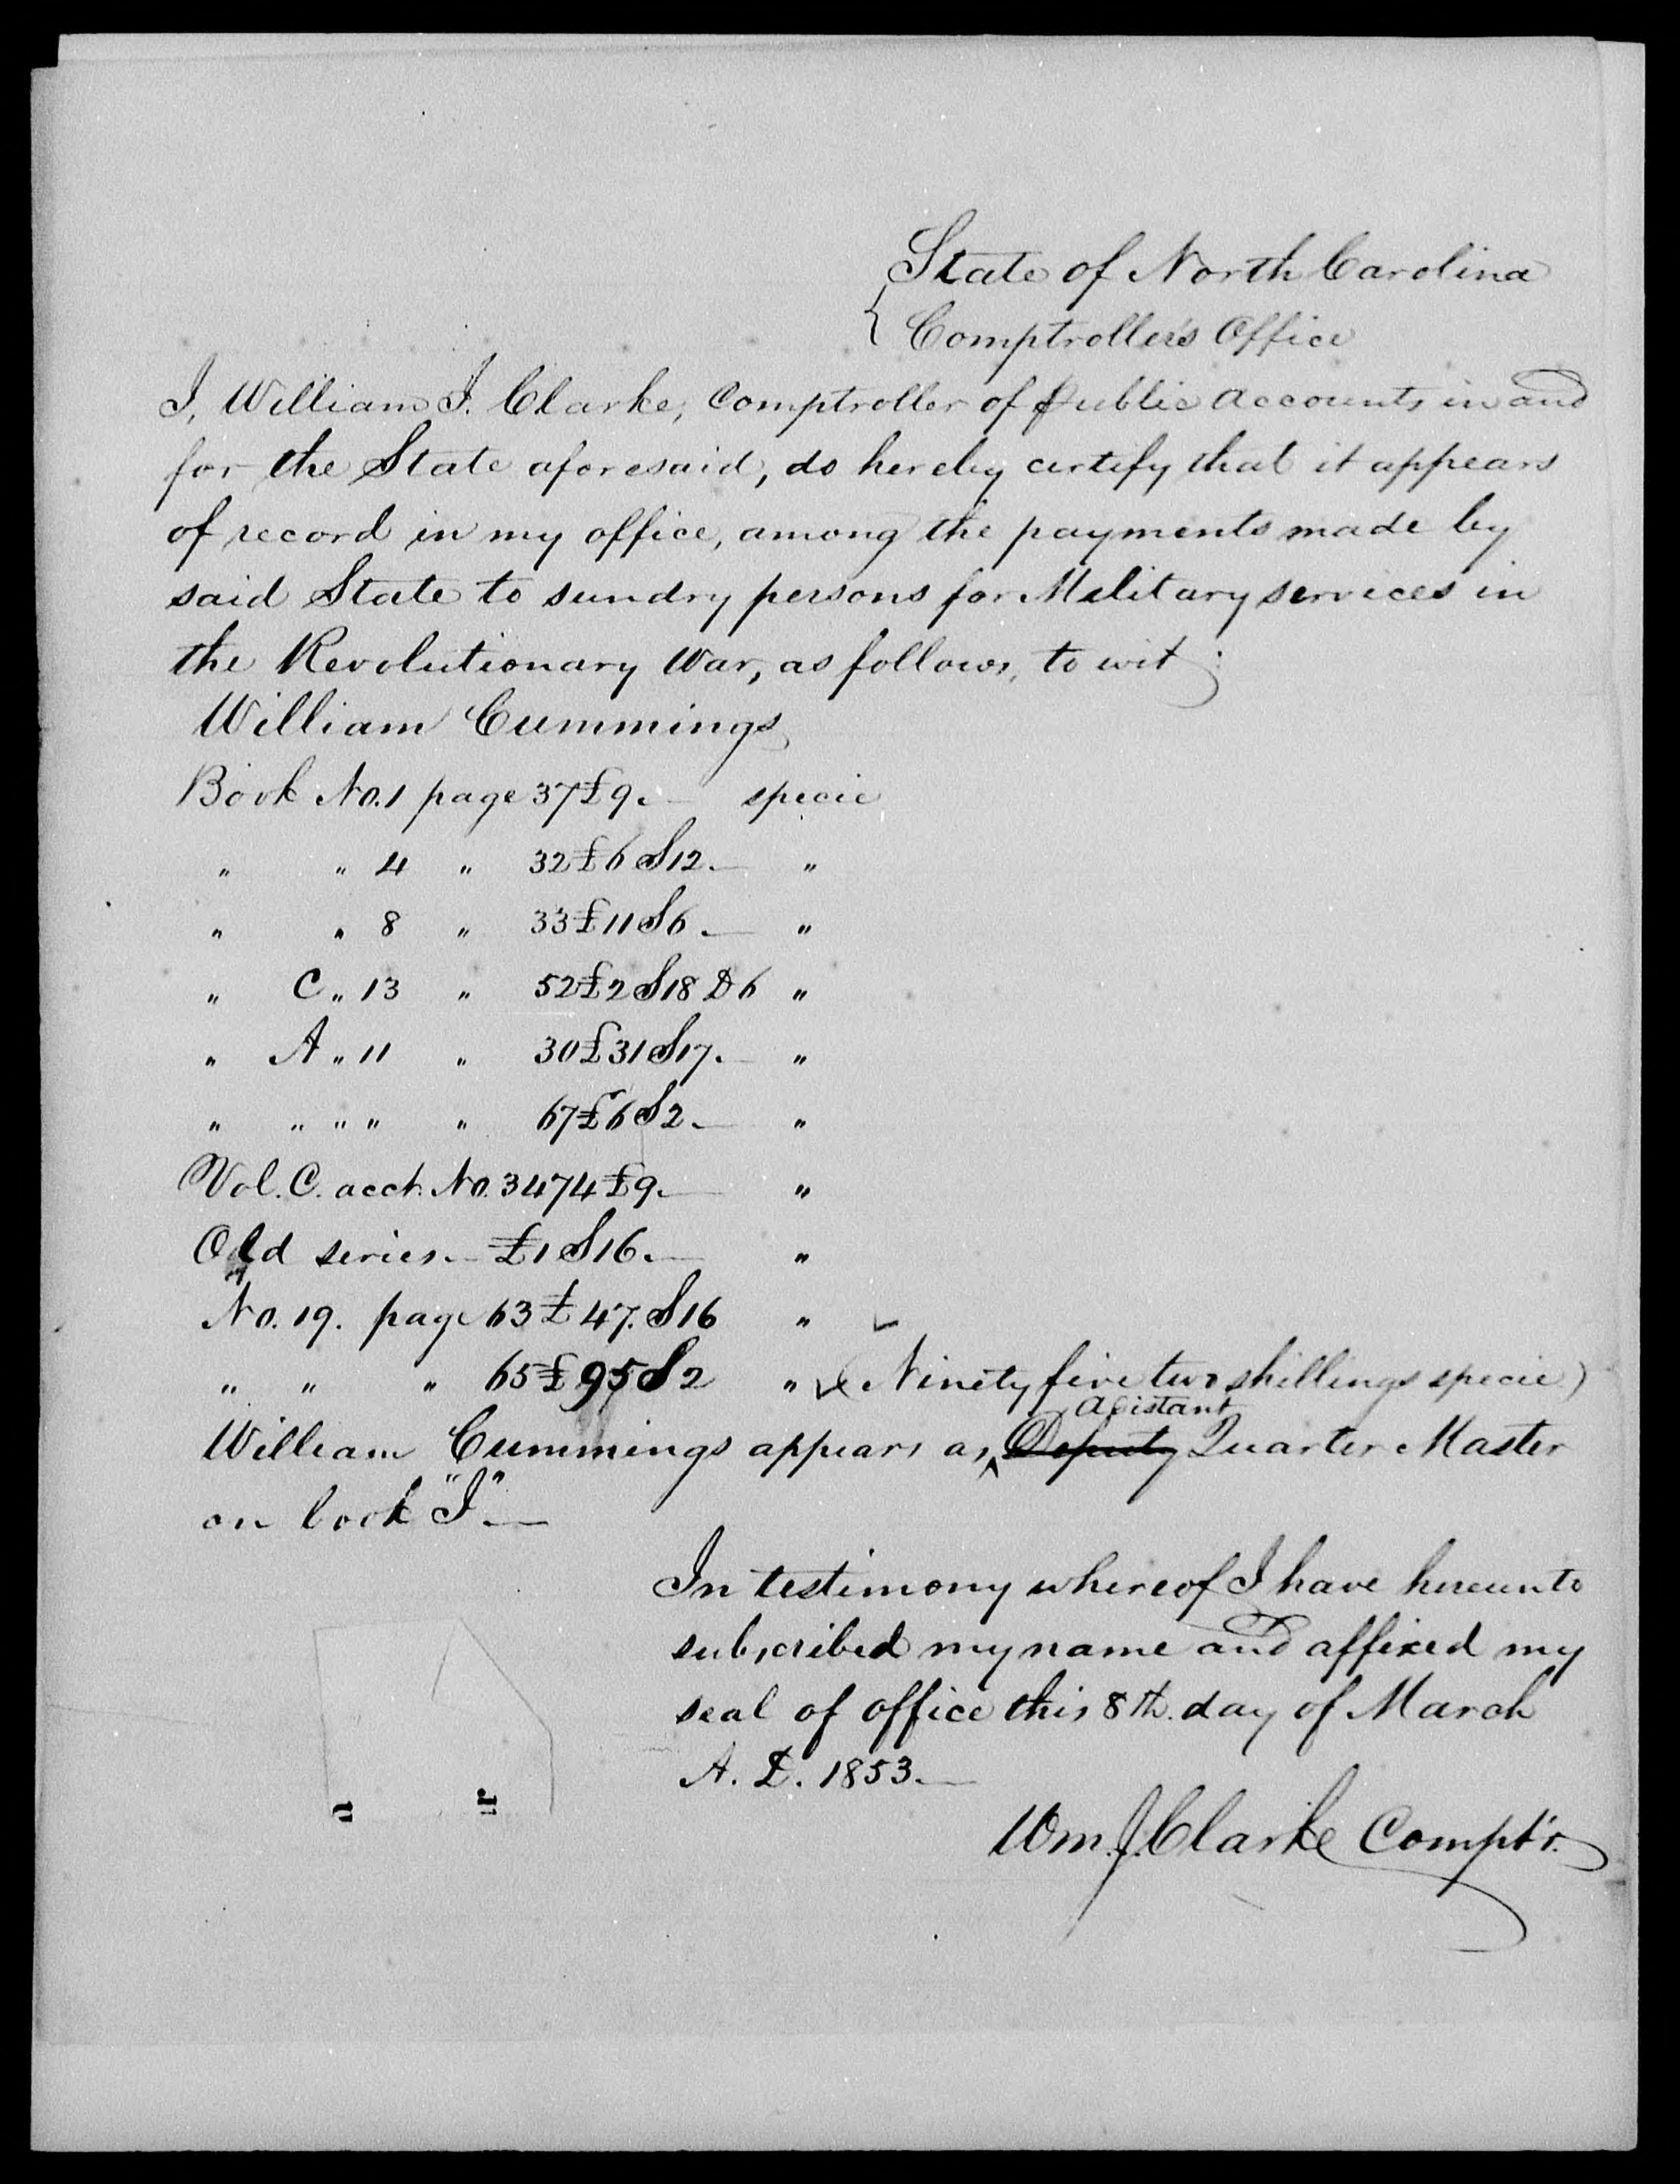[Handwritten record]

(State of North Carolina
(Comptroller's Office

I, William J. Clarke, Comptroller of Public Accounts in and for the State aforesaid, do hereby certify that it appears of record in my office, among the payments made by said State to sundry persons for Military services in the Revolutionary War, as follows, to wit:

William Cummings,
Book No. 1 [or A 0.1] page 37 [monetary pound sign] 9 ~ specie 
Book No. 4 page 32  [monetary pound sign] 6 S 12 ~ specie
Book No. 8 page 33 [monetary pound sign] 11 S 6 ~ specie
Book C [possibly No.] 13 page 52 [monetary pound sign] 2 S 18 D 6 specie
Book A [possibly No.11] page 30 [monetary pound sign] 31 S 17 ~ specie
Book A [possibly No. 11] page 67 [monetary pound sign] 6 S 2 ~ specie

Vol. C. acct. No. 3474 [monetary pound sign] 9 ~ specie
Old Series  [monetary pound sign] 1 S 16 ~ specie
No. 19. page 63 [monetary pound sign] 47. S 16 specie
No. 19 page 65 [monetary pound sign] 95 S 2 specie [check mark] Ninety five two shillings specie)

William Cummins appears as [here the word "Deputy" is stricken through, and the following word written above:] Assistant Quarter Master on book ""I" [or "J"] ~

[There is a small piwce of paper which has been attached near the bottom left corner of the page, perhaps covering a wax seal of office impression.  To the right of that, appears this:] In testimony whereof I have hereunto subscribed my name and affixed my seal of office this 8th. day of March A. D. 1853 ~  
Wm. J. Clarke Comptr [Comptroller]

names: William Cummings, William Cummings, William J Clarke, Wm J Clarke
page: 88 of 145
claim: survivor's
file: S. 8265, William Cumming, N.C.